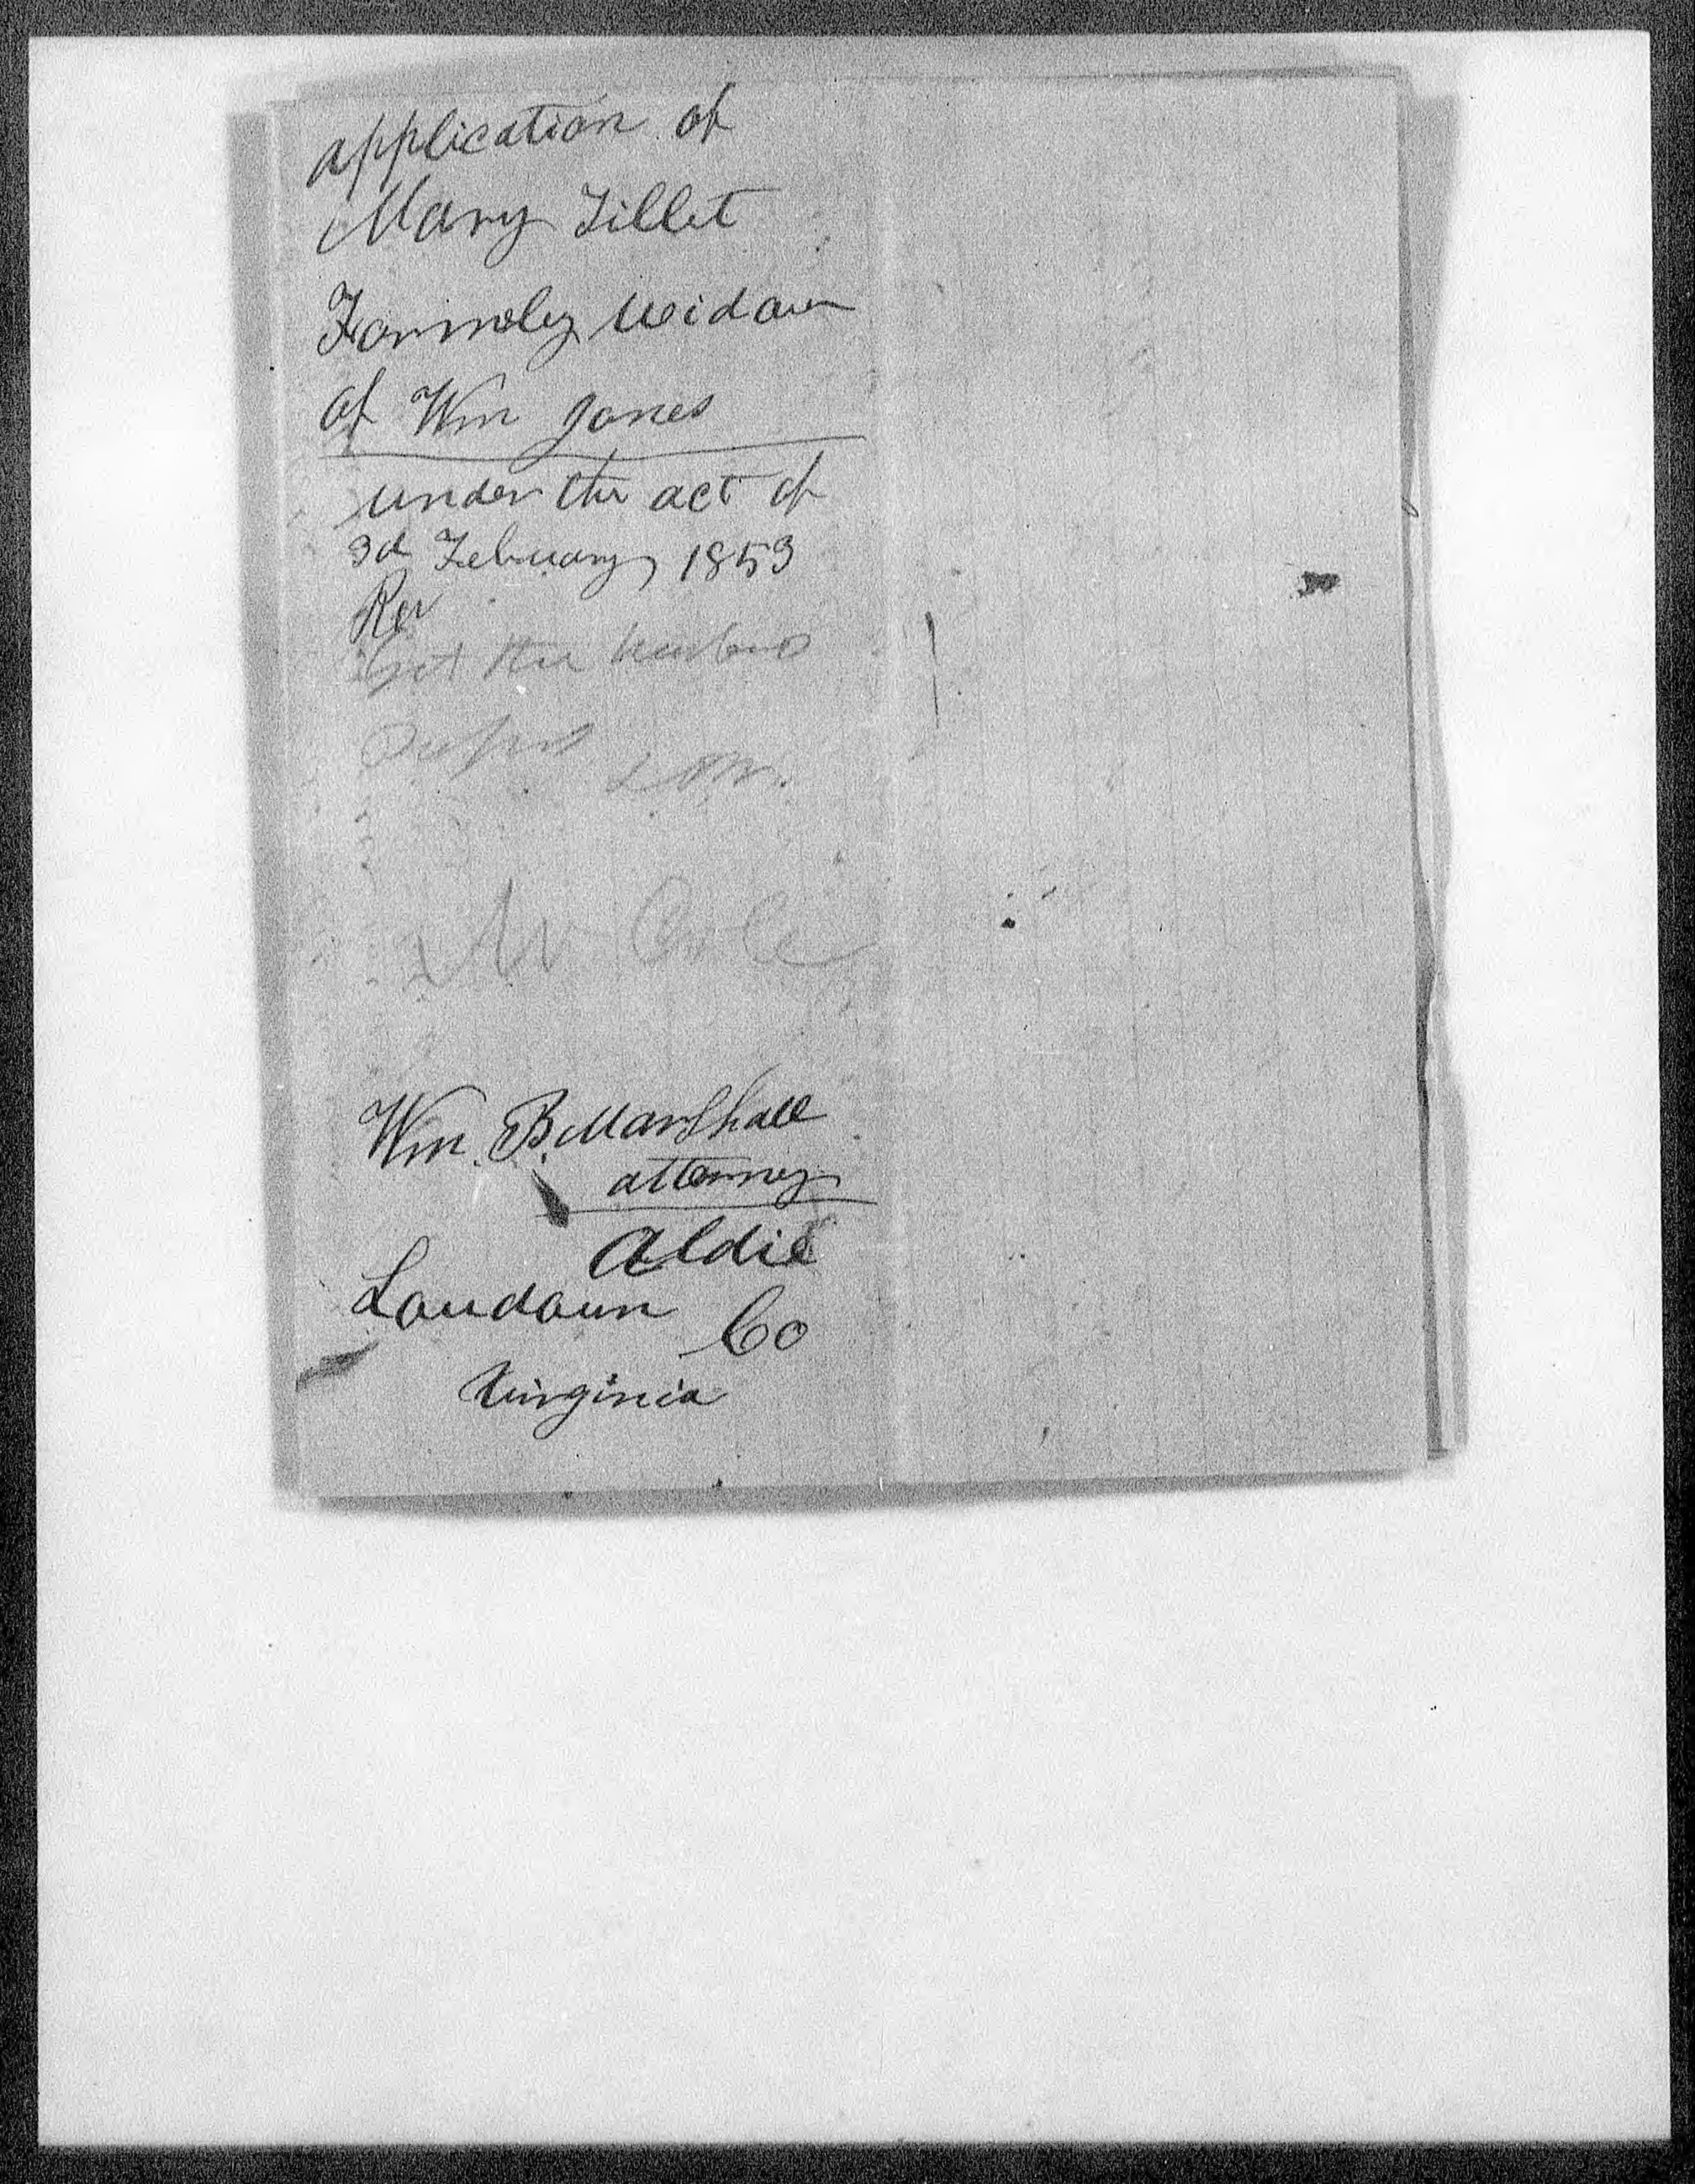application of Mary Tillett Formerly widow of Wm Jones under the act of 3d February, 1853
Rev
Get the husband pension[?] law.

Av Cole

Wm. B. Marshall
attorney
Aldie
Loudoun Co
Virginia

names: Wm Jones; Mary Tillet; Wm B Marshall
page: 10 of 39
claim: widow's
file: W 6292, for William Jones, Maryland